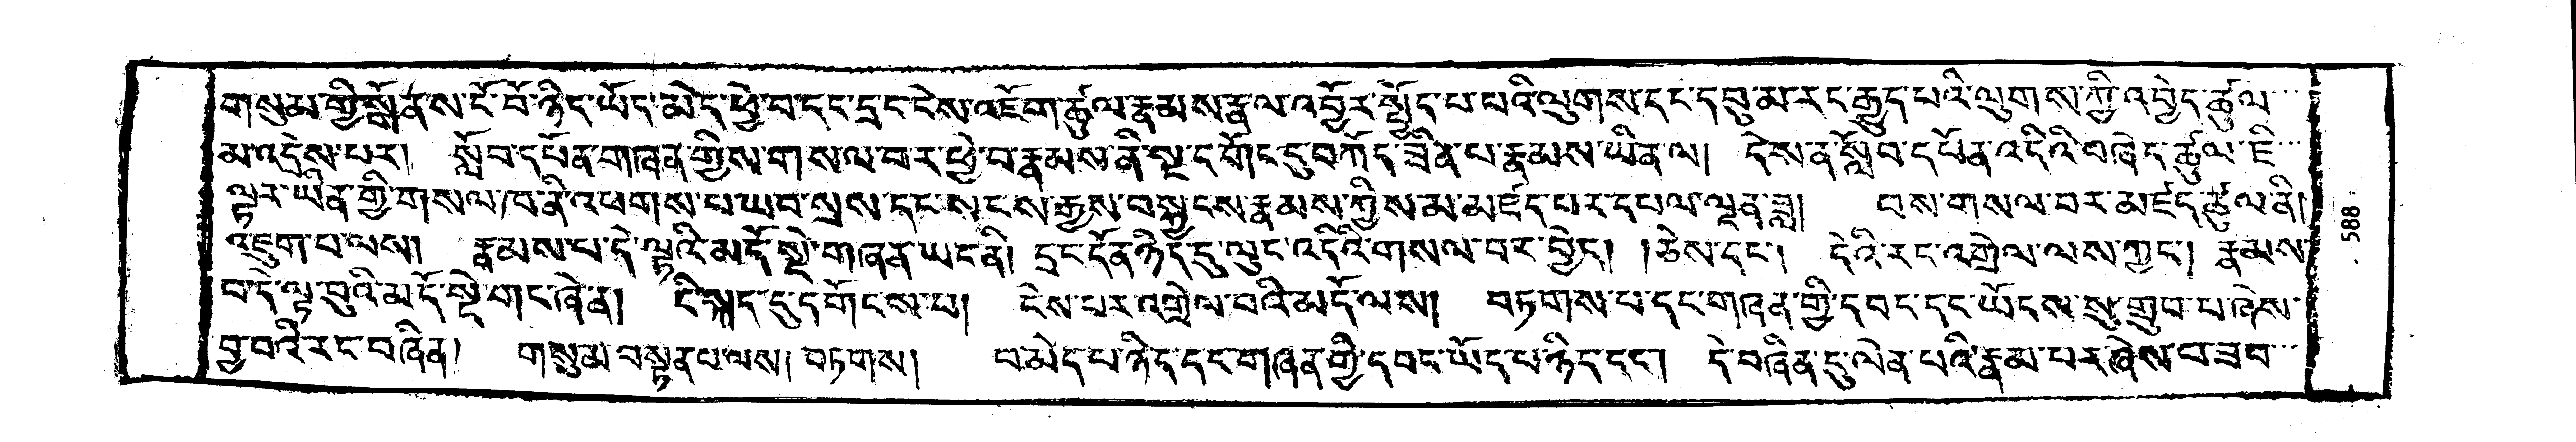གསུམ་གྱི་སྒོ་ནས་ངོ་བོ་ཉིད་ཡོད་མེད་ཕྱེ་བ་དང་དྲང་ངེས་འཇོག་ཚུལ་རྣམས་རྣལ་འབྱོར་སྤྱོད་པ་བའི་ལུགས་དང་དབུ་མ་རང་རྒྱུད་པའི་ལུགས་ཀྱི་འབྱེད་ཚུལ་
མ་འདྲས་པར། སློབ་དཔོན་གཞན་གྱིས་གསལ་བར་ཕྱེ་བ་རྣམས་ནི་སྔ་དགོང་དུ་བཀོད་ཟིན་པ་རྣམས་ཡིན་ལ། དེས་ན་སློབ་དཔོན་འདིའི་བཞེས་ཚུལ་ཇི་
ལྟར་ཡིན་གྱི་གསལ་ཁ་ནི་འཕགས་པ་ཡབ་སྲས་དང་སངས་རྒྱས་བསྐྱངས་རྣམས་ཀྱི་མ་མཛད་པར་དཔལ་ལྡན་ཟླ། བས་གསལ་བར་མཛད་ཚུལ་ནི།
འཇུག་པ་ལས། རྣམས་པ་དེ་ལྟའི་མདོ་སྡེ་གཞན་ཡང་ནི་དྲང་དོན་ཉིད་དུ་ལུང་འདིའི་གསལ་བར་བྱེད། །ཅེས་དང་། དེའི་རང་འགྲེལ་ལས་ཀྱང་། རྣམས་
བ་དེ་ལྟ་བུའི་མདོ་སྡེ་གང་ཞེ་ན། ཇི་སྐད་དུ་དགོངས་པ། ངེས་པར་འགྲེལ་བའི་མདོ་ལས། བཏགས་པ་དང་གཞན་གྱི་དབང་དང་ཡོངས་སུ་གྲུབ་པ་ཞེས་
བྱ་བའི་རང་བཞིན། གསུམ་བསྟན་པ་ལས། བཏགས། བ་མེད་པ་ཉིད་དང་གཞན་གྱི་དབང་ཡོད་པ་ཉིད་དང་། དེ་བཞིན་དུ་ལེན་པའི་རྣམ་པར་ཞེས་པ་ཟབ་